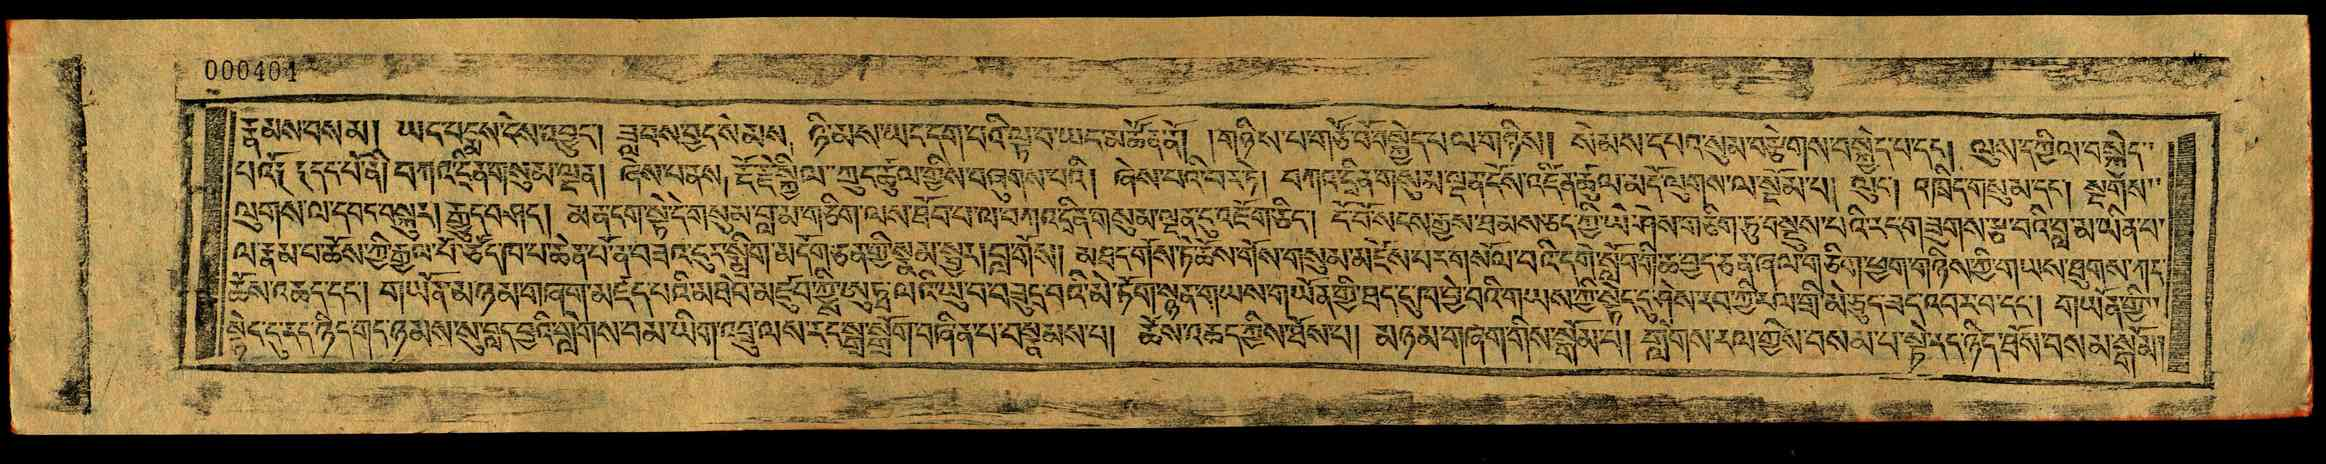རྣམས་བསམ། ཡང་པདམས་ངེས་འབྱུང་། ཟླ་བས་བྱང་སེམས། ཉི་མས་ཡང་དག་པའི་ལྟ་བ་ཡང་མཚོན་ནོ། །གཉིས་པ་གཙོ་བོ་བསྐྱེད་པ་ལ་གཉིས། སེམས་དཔའ་སུམ་བརྩེགས་བསྐྱེད་པ་དང་། ལུས་དཀྱིལ་བསྐྱེད་
པའོ༑ ༑དང་པོ་ནི། བཀའ་དྲིན་གསུམ་ལྡན། ཞེས་པ་ནས། རྡོ་རྗེ་སྐྱིལ་ཀྲུང་ཚུལ་གྱིས་བཞུགས་པའི། ཞེས་པའི་བར་ཏེ། བཀའ་དྲིན་གསུམ་ལྡན་ངོས་འཛིན་ཚུལ་མདོ་ལུགས་ལ་སྡོམ་པ། ལུང་། འཁྲིད་གསུམ་དང་། སྔགས་
ལུགས་ལ་དབང་བསྐུར། རྒྱུད་བཤད། མན་ངག་སྟེ་དེ་གསུམ་བླ་མ་གཅིག་ལས་ཐོབ་པ་ལ་བཀའ་དྲིན་གསུམ་ལྡན་དུ་འཇོག་ཅིང་། ངོ་བོ་སངས་རྒྱས་ཐམས་ཅད་ཀྱི་ཡེ་ཤེས་གཅིག་ཏུ་བསྡུས་པའི་རང་གཟུགས་རྩ་བའི་བླ་མ་ཡིན་པ་
ལ་རྣམ་པ་ཆོས་ཀྱི་རྒྱལ་པོ་ཙོང་ཁ་པ་ཆེན་པོ་ན་བཟའ་ངུར་སྨྲིག་མདོག་ཅན་གྱི་སྣམ་སྦྱར། བླ་གོས། མཐངྒོས་ཏེ་ཆོས་གོས་གསུམ་མཛེས་པར་གསོལ་བའི་དགེ་སློང་གི་ཆ་བྱད་ཅན་ཞལ་གཅིག་ཕྱག་གཉིས་ཀྱི་གཡས་ཐུགས་ཀར་
ཆོས་འཆད་དང་། གཡོན་མཉམ་གཞག་མཛད་པའི་མཐེབ་མཛུབ་ཀྱི་ཨུཏྤ་ལའི་ཡུ་བ་བཟུང་བའི་མེ་ཏོག་སྙན་གཡས་གཡོན་གྱི་ཐད་དུ་ཁ་ཕྱེ་བའི་གཡས་ཀྱི་སྟེང་དུ་ཤེས་རབ་ཀྱི་རལ་གྲི་མེ་ཅུང་ཟད་འབར་བ་དང་། གཡོན་གྱི་
སྟེང་དུ་རང་ཉིད་གང་ཉམས་སུ་བླང་བྱའི་གླེགས་བམ་ཡིག་འབྲུ་ལས་རིང་སྒྲ་སྒྲོག་བཞིན་པ་བསྣམས་པ། ཆོས་འཆད་ཀྱིས་ཐོས་པ། མཉམ་གཞག་གིས་སྒོམ་པ། གླེགས་རལ་གྱིས་བསམ་པ་སྟེ་རང་ཉིད་ཐོས་བསམ་སྒོམ་